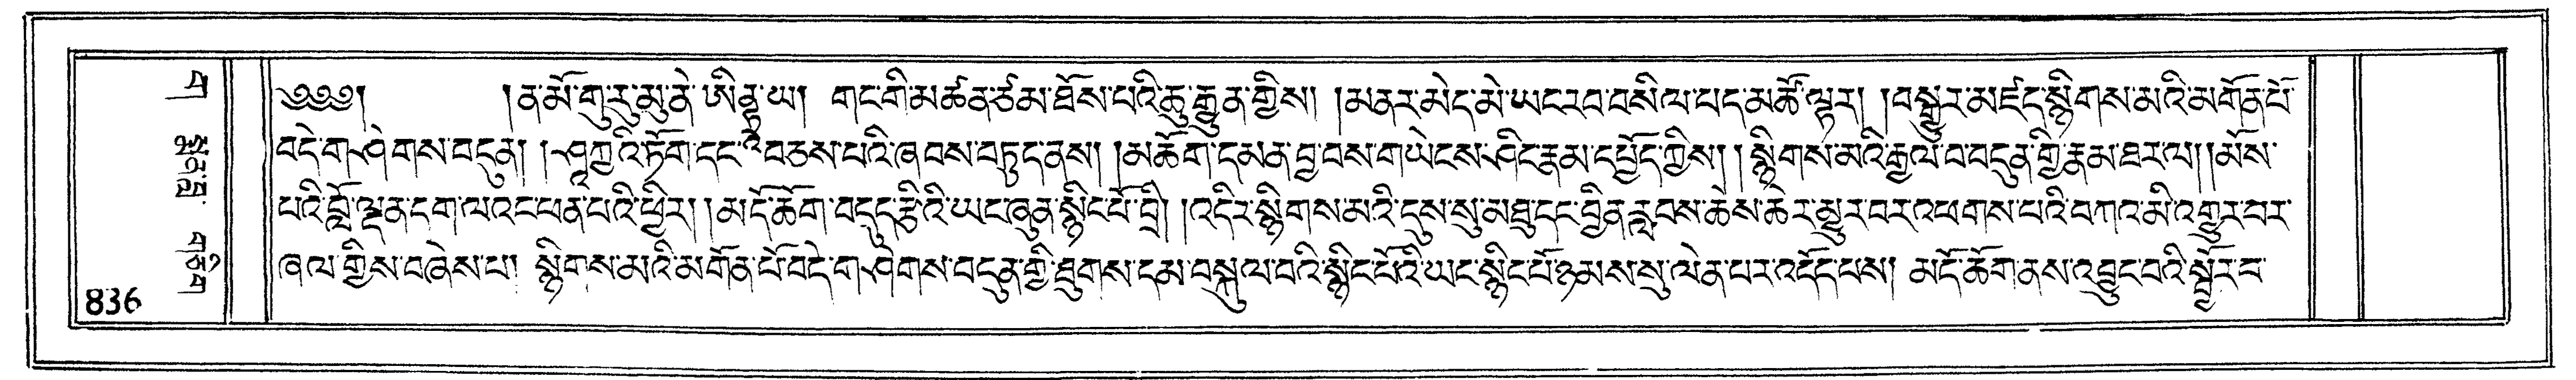༄༅༅། །ན་མོ་གུ་རུ་མུ་ནེ་ཨིནྟྲཱ་ཡ། གང་གི་མཚན་ཙམ་ཐོས་པའི་ཆུ་རྒྱུན་གྱིས། །མནར་མེད་མེ་ཡང་རབ་བསིལ་པད་མཚོ་ལྟར། །བསྒྱུར་མཛད་སྙིགས་མའི་མགོན་པོ་
བདེ་གཤེགས་བདུན། །ཤཱཀྱའི་ཏོག་དང་བཅས་པའི་ཞབས་བཏུད་ནས། །མཆོག་དམན་བྱ་བས་གཡེངས་ཤིང་རྣམ་དཔྱོད་ཀྱིས། །སྙིགས་མའི་རྒྱལ་བ་བདུན་གྱི་རྣམ་ཐར་ལ། །མོས་
པའི་བློ་ལྡན་དག་ལའང་ཕན་པའི་ཕྱིར། །མདོ་ཆོག་བདུད་རྩིའི་ཡང་ཞུན་སྙིང་པོ་བྲི། །འདིར་སྙིགས་མའི་དུས་སུ་མཐུ་དང་བྱིན་རླབས་ཆེས་ཆེར་མྱུར་བར་འཕགས་པའི་བཀའ་མི་འགྱུར་བར་
ཞལ་གྱིས་བཞེས་པ། སྙིགས་མའི་མགོན་པོ་བདེ་གཤེགས་བདུན་གྱི་ཐུགས་དམ་བསྐུལ་བའི་སྙིང་པོའི་ཡང་སྙིང་པོ་ཉམས་སུ་ལེན་པར་འདོད་པས། མདོ་ཆོག་ནས་འབྱུང་བའི་སྦྱོར་བ་